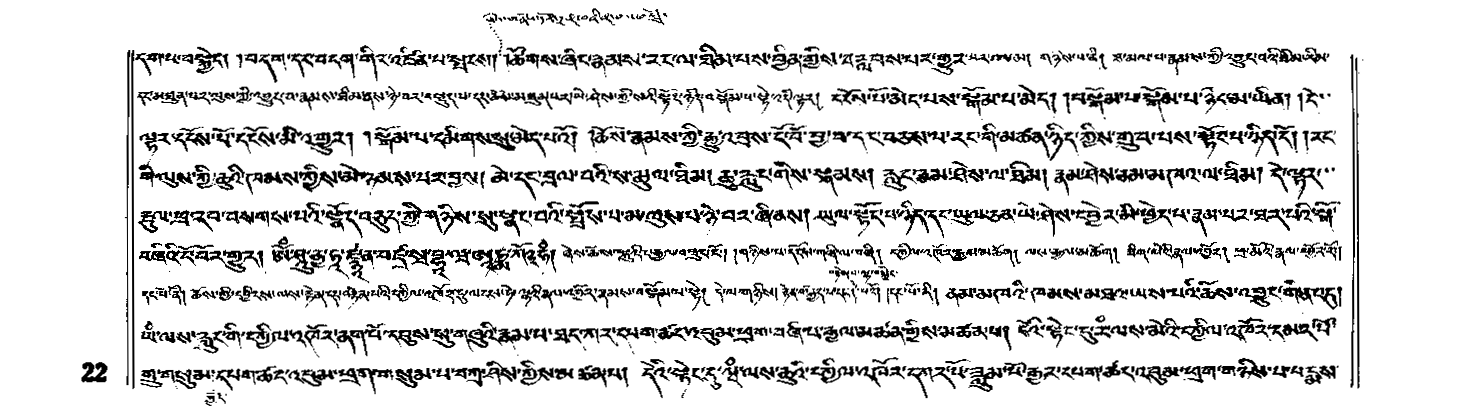དག་པ་བསྐྱེད། །བདག་དང་བདག་གིར་འཛིན་པ་སྤངས། ཞེས་པ་རྣམ་དོན་དྲན་བཞིན་པ་བརྗོད་།ཚོགས་ཞིང་རྣམས་རང་ལ་ཐིམ་པས་བྱིན་གྱིས་བརླབས་པར་གྱུར་པར་བསམ། གཉིས་པ་ནི། ཐ་མལ་པ་རྣམས་ཀྱི་འབྱུང་བའི་ཐིམ་རིམ་
དང་མཐུན་པར་ལུས་ཀྱི་འབྱུང་བ་རྣམས་ཐིམ་ནས་ཉེ་བར་བསྡུད་པ་དང་ཆོས་མཐུན་པར་ཡེ་ཤེས་ཀྱི་སའི་སྟོང་ཉིད་བསྒོམ་པ་སྟེ་འདི་ལྟར། དངོས་པོ་མེད་པས་སྒོམ་པ་མེད། །བསྒོམ་པ་སྒོམ་པ་ཉིད་མ་ཡིན། །དེ་
ལྟར་དངོས་པོ་དངོས་མི་འགྱུར། །སྒོམ་པ་དམིགས་སུ་མེད་པའོ། །ཆོས་རྣམས་ཀྱི་རྒྱུ་འབྲས་ངོ་བོ་བྱ་བ་དང་བཅས་པ་རང་གི་མཚན་ཉིད་ཀྱིས་གྲུབ་པས་སྟོང་པ་ཉིད་དོ། །རང་
གི་ལུས་ཀྱི་ཆུའི་ཁམས་ཀྱིས་མེ་ཉམས་པར་བྱས། མེ་དང་བྲལ་བའི་ས་ཆུ་ལ་ཐིམ། ཆུ་རླུང་གིས་སྐམས། རླུང་རྣམ་ཤེས་ལ་ཐིམ། རྣམ་ཤེས་ནམ་མཁའ་ལ་ཐིམ། དེ་ལྟར་
རྡུལ་ཕྲ་རབ་བསགས་པའི་སྣོད་བཅུད་ཀྱི་གཉིས་སུ་སྣང་བའི་སྤྲོས་པ་མ་ལུས་པ་ཉེ་བར་ཞི་ནས། ཡུལ་སྟོང་པ་ཉིད་དང་ཡུལ་ཅན་ཡེ་ཤེས་དབྱེར་མི་ཕྱེད་པ་རྣམ་པར་ཐར་པའི་སྒོ་
བཞིའི་ངོ་བོར་གྱུར། ཨོཾ་ཤཱུ་ནྱ་ཏཱ་ཛྙཱ་ན་བཛྲ་སྭ་བྷཱ་ཝ་ཨཱཏྨ་ཀོཉཧཾ། ཞེས་ཆོས་སྐུའི་ང་རྒྱལ་བཟུང་ངོ། །གཉིས་པ་དངོས་གཞི་ལ་བཞི། དཀྱིལ་འཁོར་རྒྱལ་མཆོག། ལས་རྒྱལ་མཆོག། ཐིག་མེའི་རྣལ་འབྱོར། ཕྲ་མོའི་རྣལ་འབྱོར་རོ།
དང་པོ་ནི། ཆོས་ཀྱི་དབྱིངས་ལས་རྟེན་དང་བརྟེན་པའི་དཀྱིལ་འཁོར་ཏུ་ལངས་ཏེ་ལྷའི་རྣལ་འབྱོར་རྣམས་བསྒོམ་ལ་སྟེ། དེ་ལ་གཉིས། རྟེན་བསྐྱེད་པ་དང་། བརྟེན་པ་ལྷ་བསྐྱེད་པའོ། །དང་པོ་ནི། ནམ་མཁའི་ཁམས་མཐའ་ཡས་པའི་ཆོས་འབྱུང་གི་ནང་ཏུ།
ཡཾ་ལས་རླུང་གི་དཀྱིལ་འཁོར་ནག་པོ་དབུས་སུ་གཞུའི་རྣམ་པ་ཐད་ཀར་དཔག་ཚད་འབུམ་ཕྲག་བཞི་པ་རྒྱལ་མཚན་གྱིས་མཚན་པ། ངོའི་སྟེང་དུ་རཾ་ལས་མེའི་དཀྱིལ་འཁོར་དམར་པོ་
གྲུ་གསུམ་དཔག་ཚད་འབུམ་ཕྲག་གསུམ་པ་བཀྲ་ཤིས་ཀྱིས་མཚན་པ། དེའི་སྟེང་དུ་ཝཾ་ལས་ཚུའི་དཀྱིལ་འཁོར་དཀར་པོ་ཟླུམ་པོ་རྒྱར་དཔག་ཚད་འབུམ་ཕྲག་གཉིས་པ་པདམས་